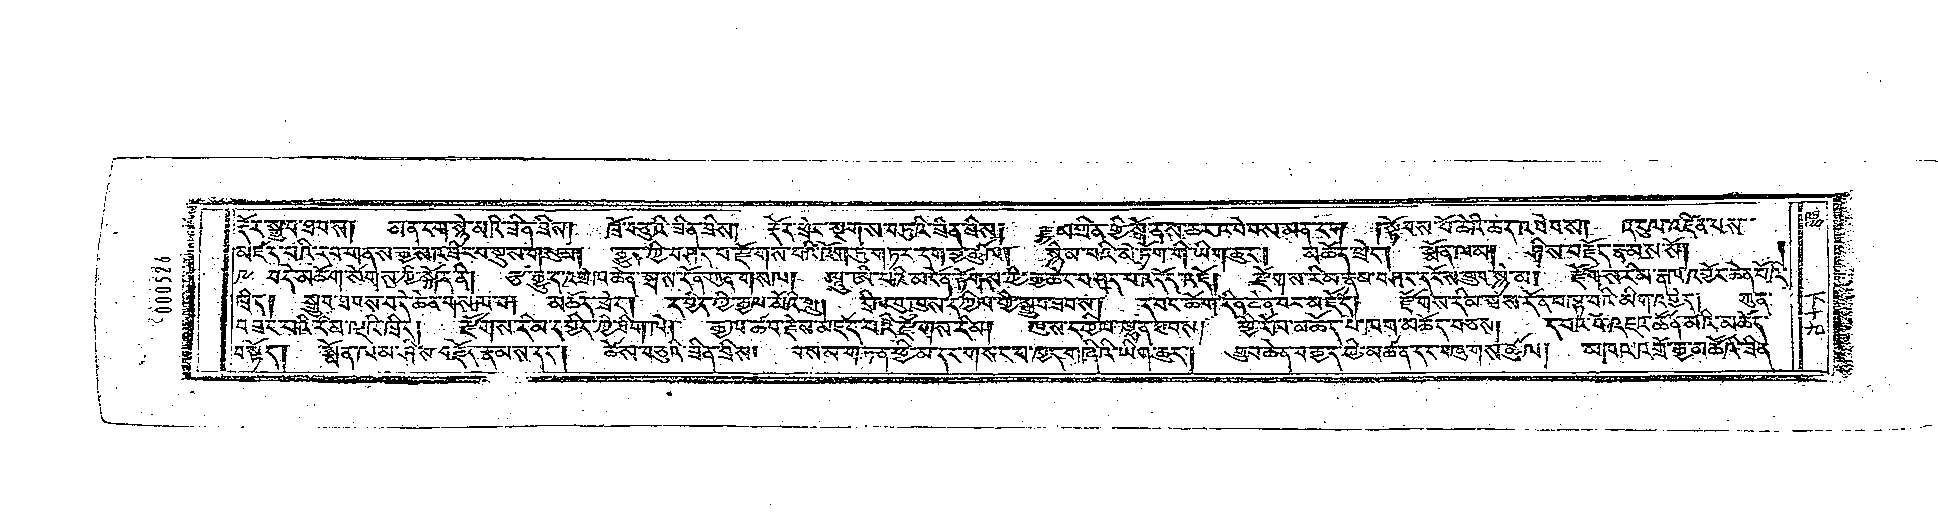རྡོར་སྒྲུབ་ཐབས། མན་ངག་སྙེ་མའི་ཟིན་བྲིས། ཁྲོ་བཅུའི་ཟིན་བྲིས། རྡོར་ཕྲེང་སྔགས་བཏུའི་ཟིན་བྲིས། རྟ་མགྲིན་གྱི་སྒོ་ནས་ཆར་འབེབས་མན་ངག །སྟོབས་པོ་ཆེའི་ཆར་འབེབས། འདུལ་འཛིན་པས་
མཛད་པའི་རབ་གནས་རྒྱས་འབྲིང་བསྡུས་གསུམ། རྒྱུད་ཀྱི་བཤད་པ་རྫོགས་པའི་འོག་ཏུ་གཏང་རག་བྱ་ཚུལ། སྙིམ་པའི་མེ་ཏོག་གི་ཡིག་ཆུང་། མཆོད་ཕྲེང་། སྨོན་ལམ། ཤིས་བརྗོད་རྣམས་སོ། །
༧་བདེ་མཆོག་སོགས་ཀྱི་སྐོར་ནི། རྩ་རྒྱུད་འགྲེལ་ཆེན་སྤས་རོན་ཀུན་གསལ། ལཱུ་ཨི་པའི་མངོན་རྟོགས་ཀྱི་རྒྱ་ཆེར་བཤད་པ་འདོད་འདོ། རྫོགས་རིམ་རྣམ་བཤད་དངོས་གྲུབ་སྙེ་མ། རྫོགས་རིམ་རྣལ་འབྱོར་ཆེན་པོའི་
ཁྲིད། སྒྲུབ་ཐབས་བདེ་ཆེན་གསལ་བ། མཆོད་ཕྲེང་། དཔྱིད་ཀྱི་རྒྱལ་མོའི་གླུ། དྲིལ་བུ་ལུས་དཀྱིལ་འཁོར་གྱི་སྒྲུབ་ཐབས། དབང་ཆོག་རིན་ཆེན་བར་མཛོད་དོ། རྫོགས་རིམ་སྤས་དོན་བལྟ་བཱི་མིག་འབྱེད། ཀུན་
བཟང་བའི་རིམ་ལྔའི་ཁྲིད། རྫོགས་རིམ་དཔྱིད་ཀྱི་ཐིག་ལེ། རྒྱལ་ཚབ་རྗེས་མཛད་པའི་རྫོགས་རིམ། ལུས་དཀྱིལ་ལྷན་ཐབས། ཕྱི་རོལ་མཆོད་པ་ལག་མཆོད་བཅས། དཔའ་བོ་འཇའ་ཚོན་མའི་མཆོད་
བསྟོད། སྨོན་ལམ་ཤིས་བརྗོད་རྣམས་དང་། ཚེས་བཅུའི་ཟིན་བྲིས། བསམ་གཏན་ཕྱི་མ་དང་གསང་བ་ཁྱད་གཞིའི་ཡིག་ཆུང་། གྲུབ་ཆེན་བརྒྱད་ཀྱི་མཚན་དང་བཞུགས་ཚུལ། མཁའ་འགྲོ་རྒྱ་མཚོའི་ཟིན་